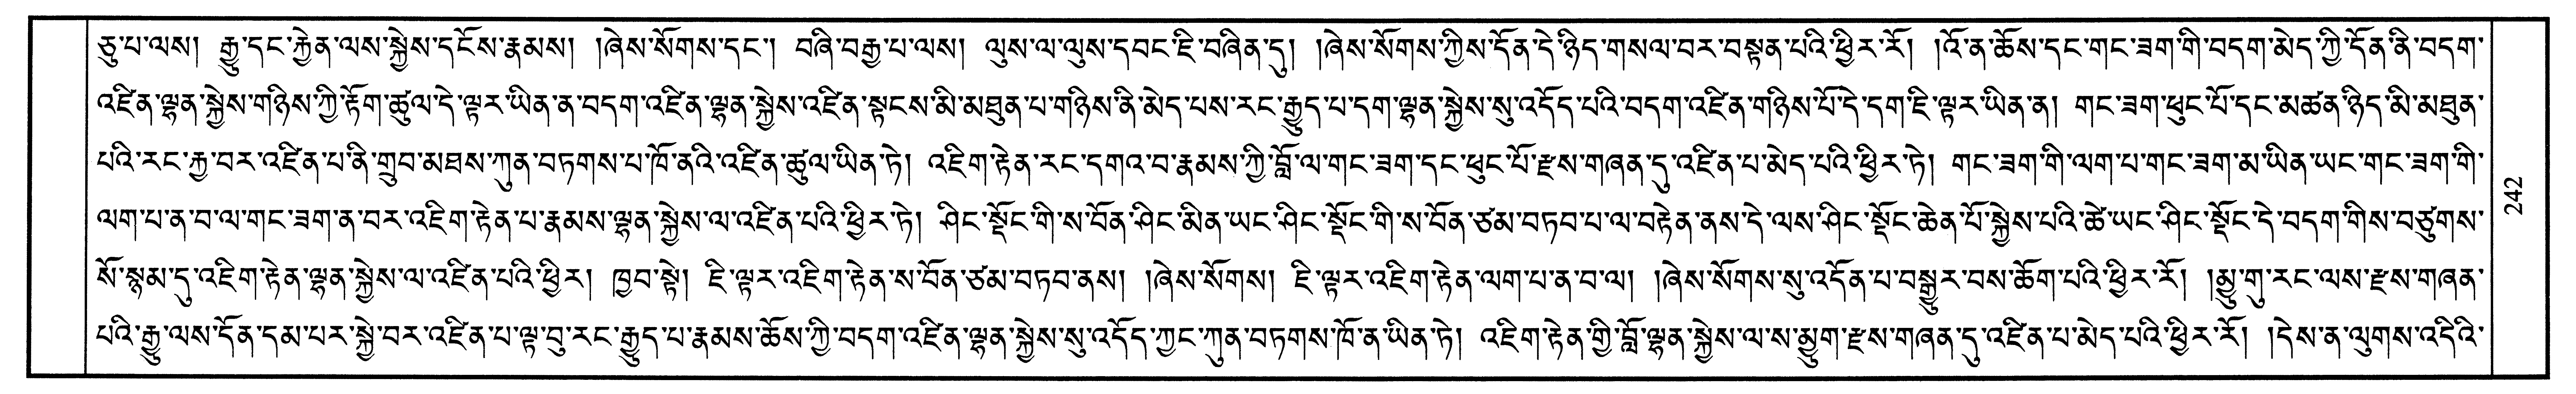ཅུ་པ་ལས། རྒྱུ་དང་རྐྱེན་ལས་སྐྱེས་དངོས་རྣམས། །ཞེས་སོགས་དང་། བཞི་བརྒྱ་པ་ལས། ལུས་ལ་ལུས་དབང་ཇི་བཞིན་དུ། །ཞེས་སོགས་ཀྱིས་དོན་དེ་ཉིད་གསལ་བར་བསྟན་པའི་ཕྱིར་རོ། །འོ་ན་ཆོས་དང་གང་ཟག་གི་བདག་མེད་ཀྱི་དོན་ནི་བདག་
འཛིན་ལྷན་སྐྱེས་གཉིས་ཀྱི་རྟོག་ཚུལ་དེ་ལྟར་ཡིན་ན་བདག་འཛིན་ལྷན་སྐྱེས་འཛིན་སྟངས་མི་མཐུན་པ་གཉིས་ནི་མེད་པས་རང་རྒྱུད་པ་དག་ལྷན་སྐྱེས་སུ་འདོད་པའི་བདག་འཛིན་གཉིས་པོ་དེ་དག་ཇི་ལྟར་ཡིན་ན། གང་ཟག་ཕུང་པོ་དང་མཚན་ཉིད་མི་མཐུན་
པའི་རང་རྐྱ་བར་འཛིན་པ་ནི་གྲུབ་མཐས་ཀུན་བཏགས་པ་ཁོ་ནའི་འཛིན་ཚུལ་ཡིན་ཏེ། འཇིག་རྟེན་རང་དགའ་བ་རྣམས་ཀྱི་བློ་ལ་གང་ཟག་དང་ཕུང་པོ་རྫས་གཞན་དུ་འཛིན་པ་མེད་པའི་ཕྱིར་ཏེ། གང་ཟག་གི་ལག་པ་གང་ཟག་མ་ཡིན་ཡང་གང་ཟག་གི་
ལག་པ་ན་བ་ལ་གང་ཟག་ན་བར་འཇིག་རྟེན་པ་རྣམས་ལྷན་སྐྱེས་ལ་འཛིན་པའི་ཕྱིར་ཏེ། ཤིང་སྡོང་གི་ས་བོན་ཤིང་མིན་ཡང་ཤིང་སྡོང་གི་ས་བོན་ཙམ་བཏབ་པ་ལ་བརྟེན་ནས་དེ་ལས་ཤིང་སྡོང་ཆེན་པོ་སྐྱེས་པའི་ཚེ་ཡང་ཤིང་སྡོང་དེ་བདག་གིས་བཙུགས་
སོ་སྙམ་དུ་འཇིག་རྟེན་ལྷན་སྐྱེས་ལ་འཛིན་པའི་ཕྱིར། ཁྱབ་སྟེ། ཇི་ལྟར་འཇིག་རྟེན་ས་བོན་ཙམ་བཏབ་ནས། །ཞེས་སོགས། ཇི་ལྟར་འཇིག་རྟེན་ལག་པ་ན་བ་ལ། །ཞེས་སོགས་སུ་འདོན་པ་བསྒྱུར་བས་ཆོག་པའི་ཕྱིར་རོ། །མྱུ་གུ་རང་ལས་རྫས་གཞན་
པའི་རྒྱུ་ལས་དོན་དམ་པར་སྐྱེ་བར་འཛིན་པ་ལྟ་བུ་རང་རྒྱུད་པ་རྣམས་ཆོས་ཀྱི་བདག་འཛིན་ལྷན་སྐྱེས་སུ་འདོད་ཀྱང་ཀུན་བཏགས་ཁོ་ན་ཡིན་ཏེ། འཇིག་རྟེན་གྱི་བློ་ལྷན་སྐྱེས་ལ་ས་མྱུག་རྫས་གཞན་དུ་འཛིན་པ་མེད་པའི་ཕྱིར་རོ། །དེས་ན་ལུགས་འདིའི་